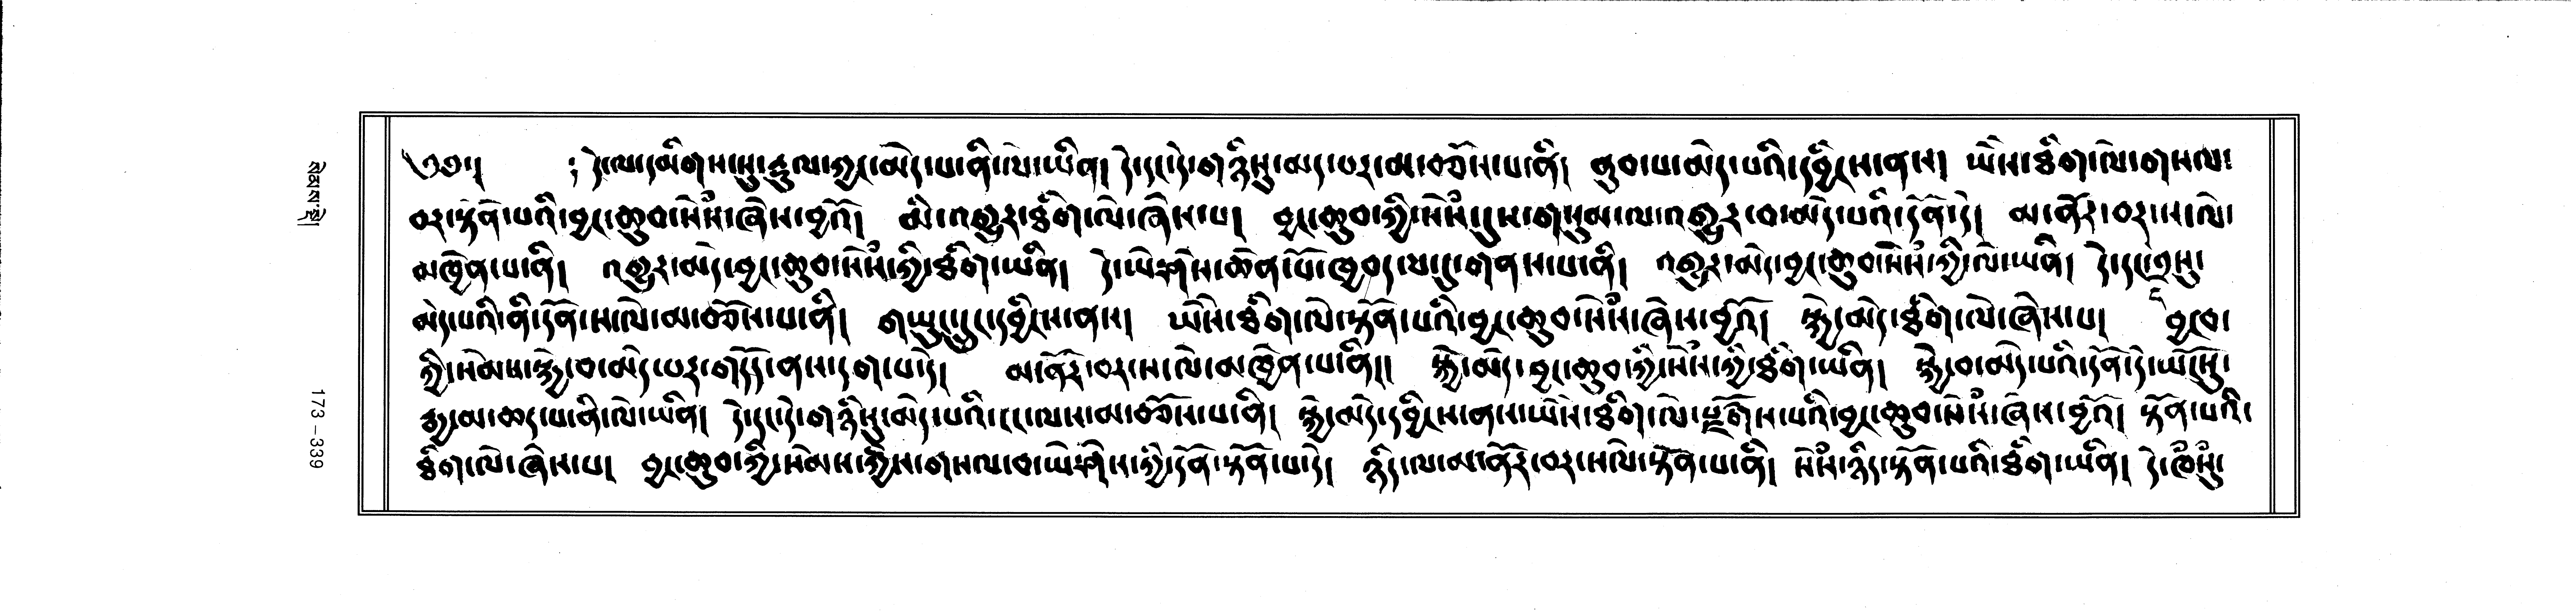དེ་ལ་དམིགས་སུ་རྡུལ་ཀྱང་མེད་པ་ནི་ལེ་ཡིན། དེ་དང་གཉིས་སུ་མེད་པར་མ་བཅོས་པ་ནི། ནུབ་པ་མེད་པའི་དབྱིངས་ནས། ཡེ་ཤེས་ཐིག་ལེ་གསལ་
བར་སྟོན་པའི་བྱང་ཆུབ་སེམས་ཞེས་བྱའོ། །མི་འགྱུར་ཐིག་ལེ་ཞེས་པ། བྱང་ཆུབ་ཀྱི་སེམས་དུས་གསུམ་དུ་འགྱུར་བ་མེད་པའི་དོན་དེ། མ་ནོར་བར་སལེ་
མཁྱེན་པ་ནི། འགྱུར་མེད་བྱང་ཆུབ་སེམས་ཀྱི་ཐིག་ཡིན། དེ་ཡེ་ཤེས་ཆེན་པོ་ཁྱབ་བདལ་དུ་གནས་པ་ནི། འགྱུར་མེད་བྱང་ཆུབ་སེམས་ཀྱི་ལེ་ཡིན། དེ་དང་གཉིས་སུ་
མེད་པའི་དོན་ནི་སལེ་མ་བཅོས་པ་ནི། གཡུང་དྲུང་གི་དབྱིངས་ནས། ཡེ་ཤེས་ཐིག་ལེ་སྟོན་པའི་བྱང་ཆུབ་སེམས་ཞེས་བྱའོ། །སྐྱེ་མེད་ཐིག་ལེ་ཞེས་པ། བྱང་ཆུབ་
ཀྱི་སེམས་སྐྱེ་བ་མེད་པར་གདོད་ནས་དག་པ་དེ། མ་ནོར་བར་སལེ་མཁྱེན་པ་ནི། སྐྱེ་མེད་བྱང་ཆུབ་ཀྱི་སེམས་ཀྱི་ཐིག་ཡིན། སྐྱེ་བ་མེད་པའི་དོན་དེ་ཡོངས་སུ་
རྒྱ་མ་ཆད་པ་ནི་ལེ་ཡིན། དེ་དང་དེ་གཉིས་སུ་མེད་པའི་ངང་ལས་མ་བཅོས་པ་ནི། སྐྱེ་མེད་དབྱིངས་ནས་ཡེ་ཤེས་ཐིག་ལེ་རྫོགས་པའི་བྱང་ཆུབ་སེམས་ཞེས་བྱའོ། །སྟོན་པའི་
ཐིག་ལེ་ཞེས་པ། བྱང་ཆུབ་ཀྱི་སེམས་ཀྱིས་གསལ་བ་ཡེ་ཤེས་ཀྱི་དོན་སྟོན་པ་དེ། ཉིད་ལ་མ་ནོར་བར་སལེ་སྟོན་པ་ནི། སེམས་ཉིད་སྟོན་པའི་ཐིག་ལེ་ཡིན། དེ་ཁམས་གསུམ་